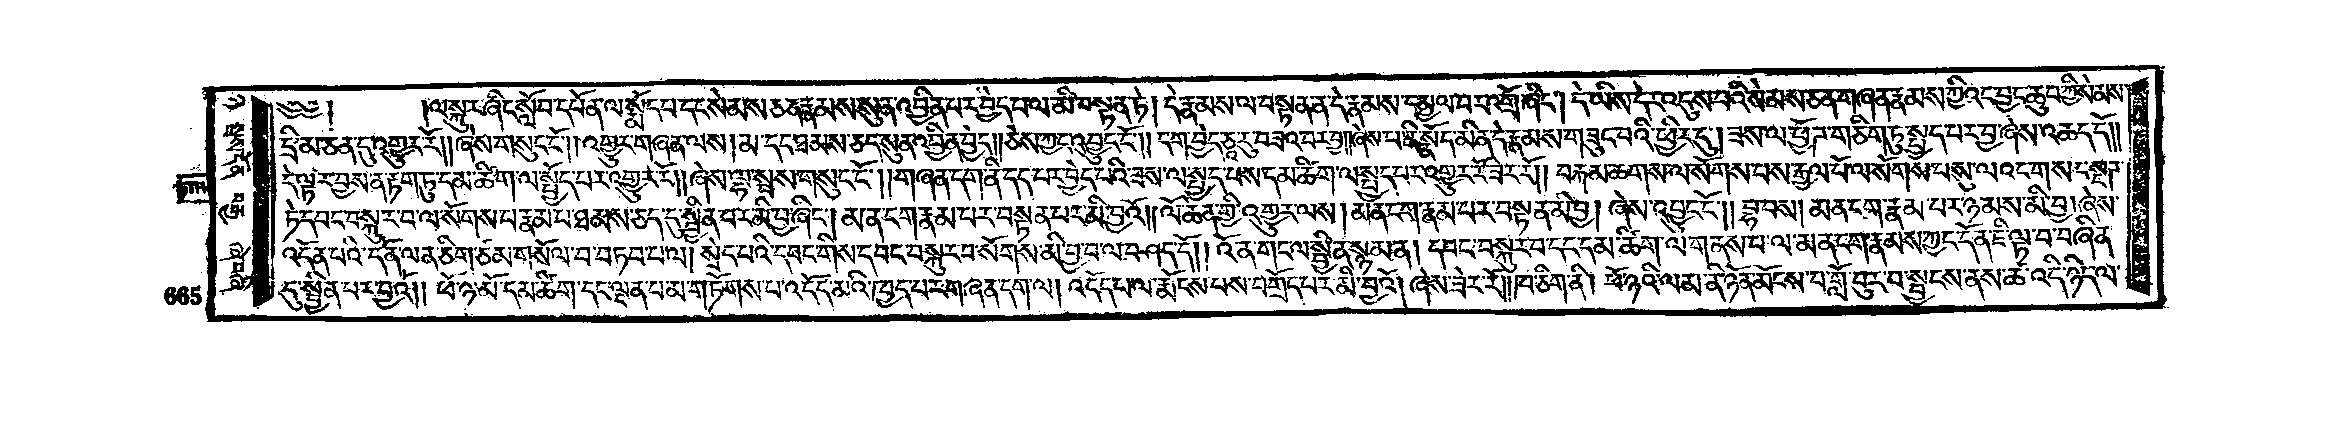༄༅། །ལ་སྐུར་ཞིང་སློབ་དཔོན་ལ་སྨོད་པ་དང་སེམས་ཅན་རྣམས་སུན་འབྱིན་པར་བྱེད་པ་ལ་མི་བསྟན་ཏེ། དེ་རྣམས་ལ་བསྟན་ན་དེ་རྣམས་དམྱལ་བར་འགྲོ་ཞིང་། དེ་ཡིས་དེར་འདུས་པའི་སེམས་ཅན་གཞན་རྣམས་ཀྱིའང་བྱང་ཆུབ་ཀྱི་སེམས་
དྲི་མ་ཅན་དུ་འགྱུར་རོ། །ཞེས་གསུང་ངོ། །འགྱུར་གཞན་ལས། མ་དད་ཐམས་ཅད་སུན་འབྱིན་བྱེད། །ཅེས་ཀྱང་འབྱུང་ངོ། །དག་བྱེད་ཅཱ་རུ་བཟའ་བར་བྱ། །ཞེས་པ་ནི་སྣོད་མིན་དེ་རྣམས་གཟུང་བའི་ཕྱིར་དུ། ཟས་ལ་ཕྱོཊ་གཅིག་ཏུ་སྤྱད་པར་བྱ་ཞེས་འཆད་དོ། །
དེ་ལྟར་བྱས་ན་རྟག་ཏུ་དམ་ཚིག་ལ་སྤྱོད་པར་འགྱུར་རོ། །ཞེས་ལྷ་སྦས་གསུང་ངོ། །གཞན་དག་ནི་དད་པར་བྱེད་པའི་ཟས་ལ་སྤྱད་པས་དམ་ཚིག་ལ་སྤྱད་པར་འགྱུར་རོ་ཟེར་རོ། །བརྐམ་ཆགས་ལ་སོགས་པས་རྒྱལ་པོ་ལ་སོགས་པ་སུ་ལའང་གསང་སྔཊ་
ཏེ་དབང་བསྐུར་བ་ལ་སོགས་པ་རྣམ་པ་ཐམས་ཅད་དུ་སྦྱིན་པར་མི་བྱ་ཞིང་། མན་ངག་རྣམ་པར་བསྟན་པར་མི་བྱའོ། །ལོ་ཆེན་གྱི་འགྱུར་ལས། མན་ངག་རྣམ་པར་བསྟན་མི་བྱ། ཞེས་འབྱུང་ངོ། །བྷ་བས། མན་ངག་རྣམ་པར་ཉམས་མི་བྱ། ཞེས་
འདོན་པའི་དོན་ལན་ཅིག་ཙམ་གསོལ་བ་བཏབ་པ་ལ། སྲེད་པའི་དབང་གིས་དབང་བསྐུར་བ་སོགས་མི་བྱ་བ་ལ་བཤད་དོ། །འོ་ན་གང་ལ་སྦྱིན་སྙམ་ན། དབང་བསྐུར་བ་དང་དམ་ཚིག་ལ་གནས་པ་ལ་མན་ངག་རྣམས་ཀྱང་དོན་ཇི་ལྟ་བ་བཞིན་
དུ་སྦྱིན་པར་བྱའོ། །ཕོ་ཉ་མོ་དམ་ཚིག་དང་ལྡན་པ་མ་གཏོགས་པ་འདོད་མའི་ཁྱད་པར་གཞན་དག་ལ། འདོད་པ་ལ་རྨོངས་པས་བགྲོད་པར་མི་བྱའོ། ཞེས་ཟེར་རོ། །ཁ་ཅིག་ནི། ཕོ་ཉའི་ལམ་ནི་ཉོན་མོངས་པ་གློ་བུར་བ་སྦྱངས་ནས་ཚ་འདི་ཉིད་ལ་